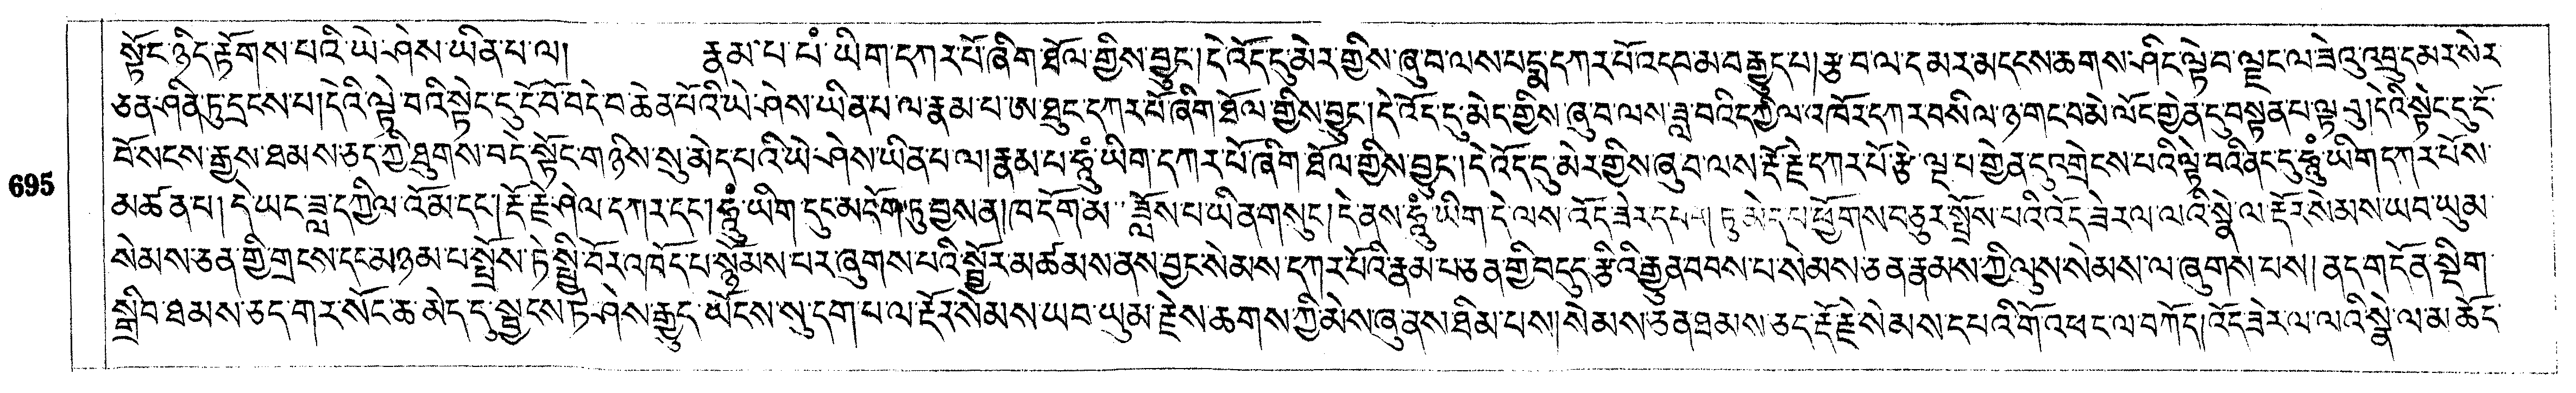སྟོང་ཉིད་རྟོགས་པའི་ཡེ་ཤེས་ཡིན་པ་ལ། རྣམ་པ་པཾ་ཡིག་དཀར་པོ་ཞིག་ཐོལ་གྱིས་བྱུང་། དེ་འོད་དུ་མེར་གྱིས་ཞུ་བ་ལས་པདམ་དཀར་པོ་འདབ་མ་བརྒྱུད་པ། རྩ་བ་ལ་དམར་མདངས་ཆགས་ཤིང་ལྟེ་བ་ལྗང་ལ་ཟེའུ་འབྲུ་དམར་སེར་
ཅན་ཤིན་ཏུ་དྲངས་པ། དེའི་ལྟེ་བའི་སྟེང་དུ་ངོ་བོ་བདེ་བ་ཆེན་པོའི་ཡེ་ཤེས་ཡིན་པ་ལ་རྣམ་པ་ཨ་ཐུང་དཀར་པོ་ཞིག་ཐོལ་གྱིས་བྱུང་། དེ་འོད་དུ་མེད་གྱིས་ཞུ་བ་ལས་ཟླ་བའི་དཀྱིལ་འཁོར་དཀར་བསིལ་ཉ་གང་བ་མེ་ལོང་གྱེན་དུ་བསྟན་པ་ལྟ་བུ། དེའི་སྟེང་དུ་ངོ་
བོ་སངས་རྒྱས་ཐམས་ཅད་ཀྱི་ཐུགས་བདེ་སྟོང་གཉིས་སུ་མེད་པའི་ཡེ་ཤེས་ཡིན་པ་ལ། རྣམ་པ་ཧཱུཾ་ཡིག་དཀར་པོ་ཞིག་ཐོལ་གྱིས་བྱུང་། དེ་འོད་དུ་མེར་གྱིས་ཞུ་བ་ལས་རྡོ་རྗེ་དཀར་པོ་རྩེ་ལྔ་པ་གྱེན་དུ་འགྲེངས་པའི་ལྟེ་བའི་ནང་དུ་ཧཱུཾ་ཡིག་དཀར་པོས་
མཚན་པ། དེ་ཡང་ཟླ་དཀྱིལ་འོ་མ་དང་། རྡོ་རྗེ་ཤེལ་དཀར་དང་། ཧཱུཾ་ཡིག་དུང་མདོག་ཏུ་བྱས་ན། ཁ་དོག་མ་ཟློས་པ་ཡིན་གསུང་། དེ་ནས་ཧཱུཾ་ཡིག་དེ་ལས་འོད་ཟེར་དཔག་ཏུ་མེད་པ་ཕྱོགས་བཅུར་སྤྲོས་པའི་འོད་ཟེར་ལ་ལའི་སྣེ་ལ་རྡོར་སེམས་ཡབ་ཡུམ་
སེམས་ཅན་གྱི་གྲངས་དང་མཉམ་པ་སྤྲོས་ཏེ་སྤྱི་བོར་འཁོད་པ་སྙོམས་པར་ཞུགས་པའི་སྦྱོར་མཚམས་ནས་བྱང་སེམས་དཀར་པོའི་རྣམ་པ་ཅན་གྱི་བདུད་རྩིའི་རྒྱུན་བབས་པ་སེམས་ཅན་རྣམས་ཀྱི་ལུས་སེམས་ལ་ཞུགས་པས། ནད་གདོན་སྡིག་
སྒྲིབ་ཐམས་ཅད་གར་སོང་ཆ་མེད་དུ་སྦྱངས་ཏེ་ཤེས་རྒྱུད་ཡོངས་སུ་དག་པ་ལ་རྡོར་སེམས་ཡབ་ཡུམ་རྗེས་ཆགས་ཀྱི་མེས་ཞུ་ནས་ཐིམ་པས། སེམས་ཅན་ཐམས་ཅད་རྡོ་རྗེ་སེམས་དཔའི་གོ་འཕང་ལ་བཀོད། འོད་ཟེར་ལ་ལའི་སྣེ་ལ་མཆོད་